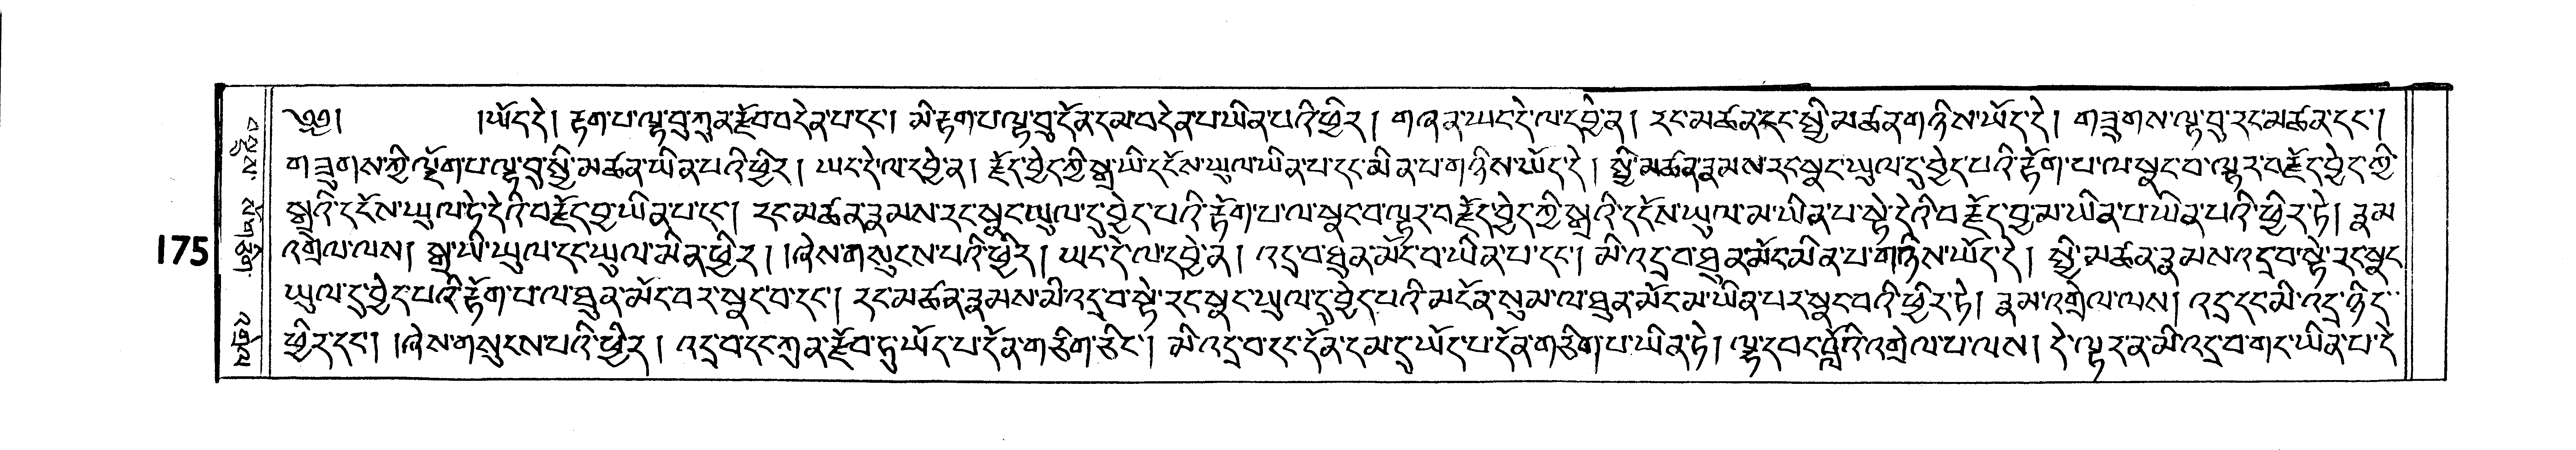༄༅། །ཡོད་དེ། རྟག་པ་ལྟ་བུ་ཀུན་རྫོབ་བདེན་པ་དང་། མི་རྟག་པ་ལྟ་བུ་དོན་དམ་བདེན་པ་ཡིན་པའི་ཕྱིར། གཞན་ཡང་དེ་ལ་དབྱེ་ན། རང་མཚན་དང་སྤྱི་མཚན་གཉིས་ཡོད་དེ། གཟུགས་ལྟ་བུ་རང་མཚན་དང་།
གཟུགས་ཀྱི་ལྡོག་པ་ལྟ་བུ་སྤྱི་མཚན་ཡིན་པའི་ཕྱིར། ཡང་དེ་ལ་དབྱེ་ན། རྗོད་བྱེད་ཀྱི་སྒྲ་ཡི་དངོས་ཡུལ་ཡིན་པ་དང་མིན་པ་གཉིས་ཡོད་དེ། སྤྱི་མཚན་རྣམས་རང་སྣང་ཡུལ་དུ་བྱེད་པའི་རྟོག་པ་ལ་སྣང་བ་ལྟར་བརྗོད་བྱེད་ཀྱི་
སྒྲའི་དངོས་ཡུལ་ཏེ་དེའི་བརྗོད་བྱ་ཡིན་པ་དང་། རང་མཚན་རྣམས་རང་སྣང་ཡུལ་དུ་བྱེད་པའི་རྟོག་པ་ལ་སྣང་བ་ལྟར་བརྗོད་བྱེད་ཀྱི་སྒྲའི་དངོས་ཡུལ་མ་ཡིན་པ་སྟེ་དེའི་བརྗོད་བྱ་མ་ཡིན་པ་ཡིན་པའི་ཕྱིར་ཏེ། རྣམ་
འགྲེལ་ལས། སྒྲ་ཡི་ཡུལ་དང་ཡུལ་མིན་ཕྱིར། །ཞེས་གསུངས་པའི་ཕྱིར། ཡང་དེ་ལ་དབྱེ་ན། འདྲ་བ་ཐུན་མོང་བ་ཡིན་པ་དང་། མི་འདྲ་བ་ཐུན་མོང་མིན་པ་གཉིས་ཡོད་དེ། སྤྱི་མཚན་རྣམས་འདྲ་བ་སྟེ་རང་སྣང་
ཡུལ་དུ་བྱེད་པའི་རྟོག་པ་ལ་ཐུན་མོང་བར་སྣང་བ་དང་། རང་མཚན་རྣམས་མི་འདྲ་བ་སྟེ་རང་སྣང་ཡུལ་དུ་བྱེད་པའི་མངོན་སུམ་ལ་ཐུན་མོང་མ་ཡིན་པར་སྣང་བའི་ཕྱིར་ཏེ། རྣམ་འགྲེལ་ལས། འདྲ་དང་མི་འདྲ་ཉིད་
ཕྱིར་དང་། །ཞེས་གསུངས་པའི་ཕྱིར། འདྲ་བ་དང་ཀུན་རྫོབ་ཏུ་ཡོད་པ་དོན་གཅིག་ཅིང་། མི་འདྲ་བ་དང་དོན་དམ་དུ་ཡོད་པ་དོན་གཅིག་པ་ཡིན་ཏེ། ལྷ་དབང་བློའི་འགྲེལ་པ་ལས། དེ་ལྟར་ན་མི་འདྲ་བ་གང་ཡིན་པ་དེ་